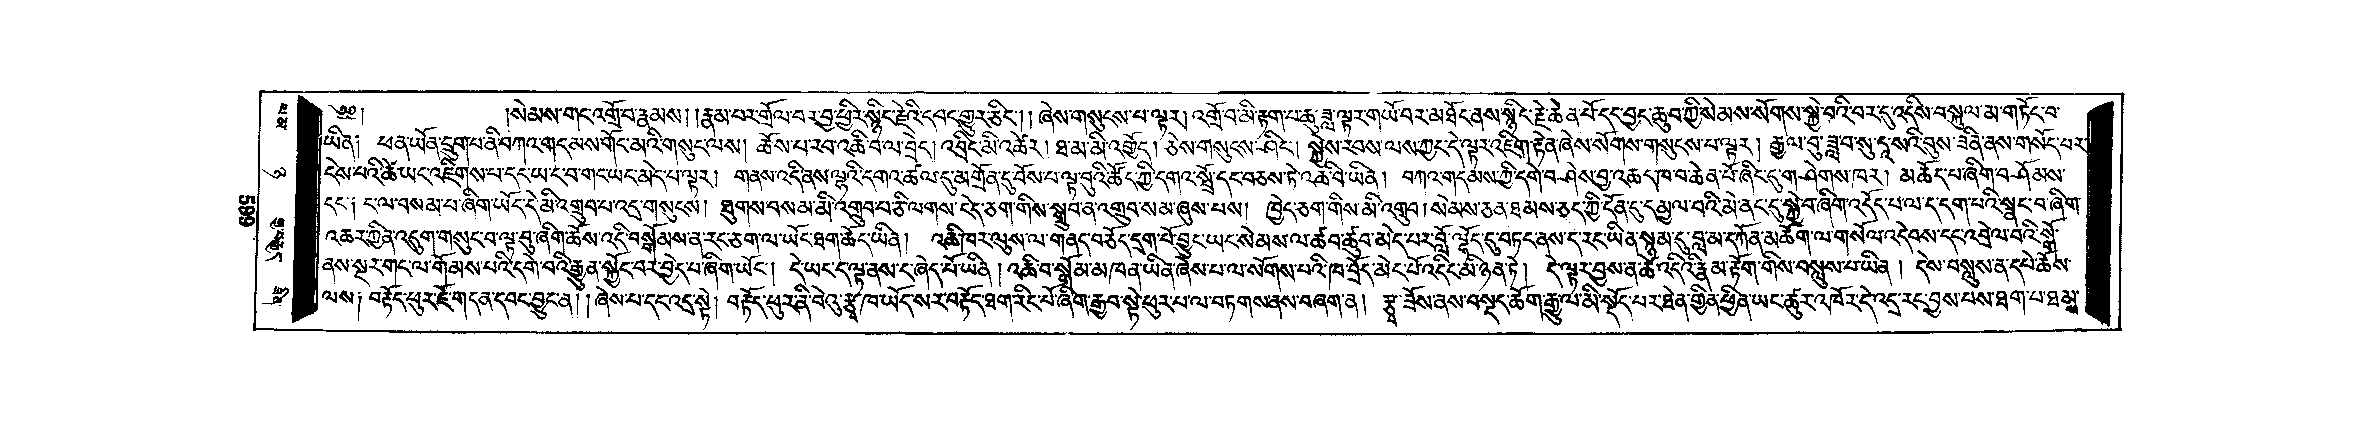༄༅། །སེམས་གང་འགྲོ་བ་རྣམས། །རྣམ་པར་གྲོལ་བར་བྱ་ཕྱིར་སྙིང་རྗེའི་དབང་གྱུར་ཅིང་། །ཞེས་གསུངས་པ་ལྟར། འགྲོ་བ་མི་རྟག་པ་ཆུ་ཟླ་ལྟར་གཡོ་བར་མཐོང་ནས་སྙིང་རྗེ་ཆེན་པོ་དང་བྱང་ཆུབ་ཀྱི་སེམས་སོགས་སྐྱེ་བའི་བར་དུ་འདིས་བསྐུལ་མ་གཏོང་བ་
ཡིན། ཕན་ཡོན་དྲུག་པ་ནི་བཀའ་གདམས་གོང་མའི་གསུང་ལས། ཆོས་པ་རབ་འཆི་བ་ལ་བྲེད། འབྲིང་མི་འཚེར། ཐ་མ་མི་འགྱོད། ཅེས་གསུངས་ཤིང་། སྐྱེས་རབས་ལས་ཀྱང་དེ་ལྟར་འཇིག་རྟེན་ཞེས་སོགས་གསུངས་པ་ལྟར། རྒྱལ་བུ་ཟླ་བ་སུ་དཱ་སའི་བུས་ཟིན་ནས་གསོད་པར་
ངེས་པའི་ཚེ་ཡང་འཇིགས་པ་དང་ཡ་ང་བ་གང་ཡང་མེད་པ་ལྟར། གནས་འདི་ནས་ལྷའི་དགའ་ཚལ་དུ་མགྲོན་དུ་བོས་པ་ལྟ་བུའི་ཚོད་ཀྱི་དགའ་སྤྲོ་དང་བཅས་ཏེ་འཆི་བ་ཡིན། བཀའ་གདམས་ཀྱི་དགེ་བཤེས་བྱ་འཆད་ཁ་བ་ཆེན་པོ་ཞིང་དུ་གཤེགས་ཁར། མཆོད་པ་ཞིག་གཤོམས་
དང་། ང་ལ་བསམ་པ་ཞིག་ཡོད་དེ་མི་འགྲུབ་པ་འདྲ་གསུངས། ཐུགས་བསམ་མི་འགྲུབ་པ་ཅི་ལགས་ངེད་ཅག་གིས་སྒྲུབ་ན་འགྲུབ་སམ་ཞུས་པས། ཁྱེད་ཅག་གིས་མི་འགྲུབ། སེམས་ཅན་ཐམས་ཅད་ཀྱི་དོན་དུ་དམྱལ་བའི་མེ་ནང་དུ་སྐྱེ་བ་ཞིག་འདོད་པ་ལ་ད་དག་པའི་སྣང་བ་ཞིག་
འཆར་ཀྱིན་འདུག་གསུང་བ་ལྟ་བུ་ཞིག་ཆོས་འདི་བསྒོམས་ན་རང་ཅག་ལ་ཡོང་ཐག་ཆོད་ཡིན། འཆི་ཁར་ལུས་ལ་གནད་བཅོད་དྲག་པོ་བྱུང་ཡང་སེམས་ལ་ཚབ་ཚུབ་མེད་པར་བློ་ལྷོད་དུ་བཏང་ནས་ད་རང་ཡིན་སྙམ་དུ་བླ་མ་དཀོན་མཆོག་ལ་གསོལ་འདེབས་དང་འབྲེལ་བའི་སྒོ་
ནས་སྔར་གང་ལ་གོམས་པའི་དགེ་བའི་རྒྱུན་སྐྱོང་བར་བྱེད་པ་ཞིག་ཡོང་། དེ་ཡང་ད་ལྟ་ནས་ང་ཞེད་པོ་ཡིན། འཆི་བ་སྒོམ་མཁན་ཡིན་ཞེས་པ་ལ་སོགས་པའི་ཁ་བྲོད་མེད་པོ་འདིང་མི་ཉན་ཏེ། དེ་ལྟར་བྱས་ན་ཚེ་འདིའི་རྣམ་རྟོག་གིས་བསླུས་པ་ཡིན། དེས་བསླུས་ན་དཔེ་ཆོས་
ལས། བརྟོད་ཕུར་ཇོ་གདན་དབང་བྱུང་ན། །ཞེས་པ་དང་འདྲ་སྟེ། བརྟོད་ཕུར་ནི་བེའུ་རྩྭ་ཁ་ཡོད་སར་བརྟོད་ཐག་རིང་པོ་ཞིག་རྒྱབ་སྟེ་ཕུར་པ་ལ་བཏགས་ནས་བཞག་ན། རྩྭ་ཟོས་ནས་བསྡད་ཆོག་རྒྱུ་ལ་མི་སྡོད་པར་ཐེན་གྱིན་ཕྱིན་ཡང་ཚུར་འཁོར་དེ་འདྲ་རང་བྱས་པས་ཐག་པ་ཐམས་